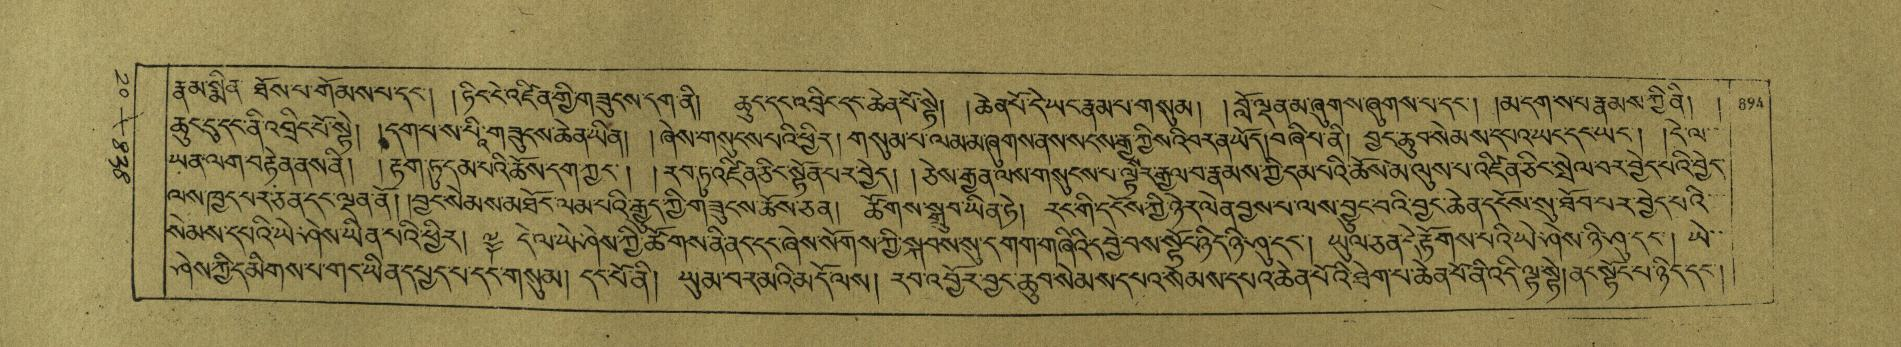རྣམ་སྨིན་ཐོས་པ་གོམས་པ་དང་། །ཏིང་ངེ་འཛིན་གྱི་གཟུངས་དག་ནི། ཆུང་དང་འབྲིང་དང་ཆེན་པོ་སྟེ། །ཆེན་པོ་དེ་ཡང་རྣམ་པ་གསུམ། བློ་ལྡན་མ་ཞུགས་ཞུགས་པ་དང་། མ་དག་ས་པ་རྣམས་ཀྱི་ནི། །
ཆུང་དངུ་དང་ནི་འབྲིང་པོ་སྟེ། །དག་པ་ས་པའི་གཟུངས་ཆེ་ཡིན། །ཞེས་གསུངས་པའི་ཕྱིར། གསུམ་པ་ལམ་མ་ཞུགས་ནས་སངས་རྒྱས་ཀྱིས་འབར་ན་ཡོད། བཞི་པ་ནི། བྱང་ཆུབ་སེམས་དཔའ་ཡང་དང་ཡང་། །དེ་ལ་
ཡན་ལག་བརྟེན་ནས་ནི། །རྟག་ཏུ་དམ་པའི་ཆོས་དག་ཀྱང་། །རབ་ཏུ་འཛིན་ཅིང་སྟོན་པར་བྱེད། །ཅེས་རྒྱན་ལས་གསུངས་པ་ལྟར་རྒྱལ་བ་རྣམས་ཀྱི་དམ་པའི་ཆོས་མ་ལུས་པ་འཛིན་ཅིང་སྤེལ་བར་བྱེད་པའི་བྱེད་
ལས་ཁྱད་པར་ཅན་དང་ལྡན་ནོ། །བྱང་སེམས་མཐོང་ལམ་པའི་རྒྱུད་ཀྱི་གཟུངས་ཆོས་ཅན། ཚོགས་སྒྲུབ་ཡིན་ཏེ། རང་གི་དངོས་ཀྱི་ཉེར་ལེན་བྱས་པ་ལས་བྱུང་བའི་བྱང་ཆེན་དངོས་སུ་ཐོབ་པར་བྱེད་པའི་
སེམས་དཔའི་ཡེ་ཤེས་ཡིན་པའི་ཕྱིར། ༈ དེ་ལ་ཡེ་ཤེས་ཀྱི་ཚོགས་ནི་ནང་དང་ཞེས་སོགས་ཀྱི་སྐབས་སུ་དགག་གཞིའི་དབྱེ་བས་སྟོང་ཉིད་ཉི་ཤུ་དང་། ཡུལ་ཅན་དེ་རྟོགས་པའི་ཡེ་ཤེས་ཉི་ཤུ་དང་། ཡེ་
ཤེས་ཀྱི་དམིགས་པ་གང་ཡིན་དཔྱད་པ་དང་གསུམ། དང་པོ་ནི། ཡུམ་བར་མའི་མདོ་ལས། རབ་འབྱོར་བྱང་ཆུབ་སེམས་དཔའ་སེམས་དཔའ་ཆེན་པོའི་ཐེག་པ་ཆེན་པོ་ནི་འདི་ལྟ་སྟེ། ནང་སྟོང་པ་ཉིད་དང་།